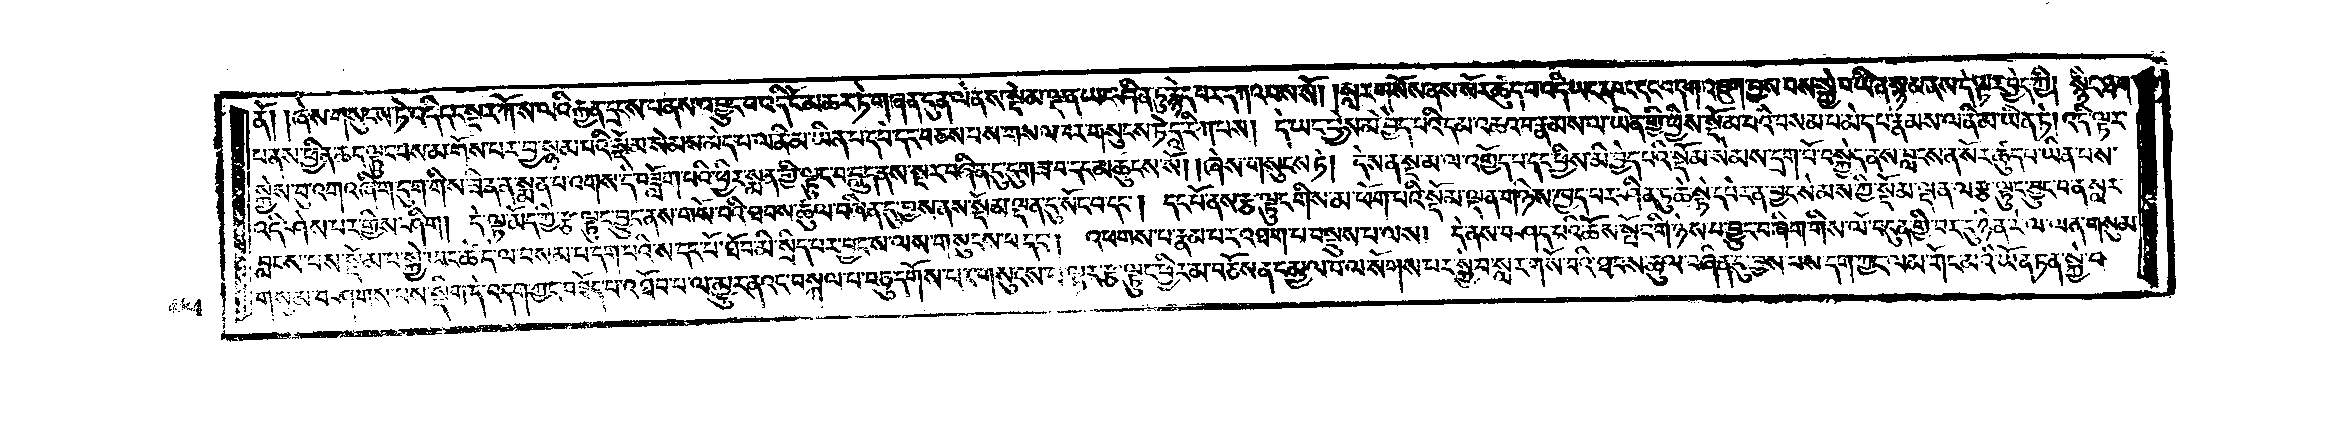ནོ། །ཞེས་གསུངས་ཏེ་འདི་དང་སྔར་ཀོ་ས་ལའི་རྒྱན་དྲངས་པ་ནས་འབྱུང་བ་འདི་ངོ་མཚར་ཏེ་གཞན་དུ་ན་ལེན་ས་སྡེ་མ་ལྡན་ཡང་ཤིན་ཏུ་རྙེད་པར་དཀའ་བས་སོ། །སླར་གསོས་ནས་སོར་ཚུད་པ་འདི་ཡང་དབང་དང་བདག་འཇུག་བྱས་པས་སྐྱེ་བ་ཡིན་སྙམ་ནས་དེ་ལྟར་བྱེད་ཀྱི། སྙིང་ཐག་
པ་ནས་ཕྱིན་ཆད་ལྟུང་བས་མ་གོས་པར་བྱ་སྙམ་པའི་སྡོམ་སེམས་མེད་པ་ལ་ནི་མ་ཡིན་པ་དཔེ་དང་བཅས་པས་གསལ་བར་གསུངས་ཏེ་དཱ་རིཀ་པས། དེ་ཡང་ཕྱེས་མེ་བྱེད་པའི་དམ་འཆའ་བ་རྣམས་ལ་ཡིན་གྱི་ཕྱིས་སྡོམ་པའི་བསམ་པ་མེད་པ་རྣམས་ལ་ནི་མ་ཡིན་ཏེ། འདི་ལྟར་
སྐྱེས་བུ་འགའ་ཞིག་དུག་གིས་ཟིན་ན་སྨན་པ་འགས་དེ་བཟློག་པའི་ཕྱིར་སྨན་གྱི་ལྟུང་བ་བླུད་ནས་སྔར་བཞིན་དུ་དུག་ཟ་བ་དང་མཚུངས་སོ། །ཞེས་གསུངས་ཏེ། དེས་ན་སྔ་མ་ལ་འགྱོད་པ་དང་ཕྱིས་མི་བྱེད་པའི་སྡོམ་སེམས་དྲག་པོ་བསྐྱེད་ནས་བླངས་ན་སོར་ཚུད་པ་ཡིན་པས་
འདི་ཤེས་པར་གྱིས་ཤིག། དེ་ལྟ་མོད་ཀྱི་རྩ་ལྟུང་བྱུང་ནས་གསོ་བའི་ཐབས་ཚུལ་བཞིན་དུ་བྱས་ནས་སྡོམ་ལྡན་དུ་སོང་བ་དང་། དང་པོ་ནས་རྩ་ལྟུང་གིས་མ་ཕོག་པའི་སྡོམ་ལྡན་གཉིས་ཁྱད་པར་ཤིན་ཏུ་ཆེ་སྟེ་དཔེར་ན་བྱང་སེམས་ཀྱི་སྡོམ་ལྡན་ལ་རྩ་ལྟུང་བྱུང་བ་ན་སླར་
བླངས་པས་སྡོམ་པ་སྐྱེ་ཡང་ཚེ་དེ་ལ་བསམ་པ་དག་པའི་ས་དང་པོ་ཐོབ་མི་སྲིད་པར་བྱང་ས་ལས་གསུངས་པ་དང་། འཕགས་པ་རྣམ་པར་འཐག་པ་བསྡུས་པ་ལས། དེ་ནས་བཤད་པའི་ཆོས་སྤོང་གི་ཉེས་པ་བྱུང་བ་ཞིག་གིས་ལོ་བདུན་གྱི་བར་དུ་ཉིན་རེ་ལ་ལན་གསུམ་
གསུམ་བཤགས་པས་སྡིག་དེ་འདག་ཀྱང་བཟོད་པ་འཐོབ་པ་ལ་མྱུར་ནའང་བསྐལ་པ་བཅུ་དགོས་པར་གསུངས་པ་ལྟར་རྩ་ལྟུང་ཕྱིར་མ་བཅོས་ན་དམྱལ་བ་ལ་སོགས་པར་སྐྱེ་བ་སླར་གསོ་བའི་ཐབས་ཚུལ་བཞིན་དུ་བྱས་པས་དག་ཀྱང་ལམ་གོང་མའི་ཡོན་ཏན་སྐྱེ་བ་